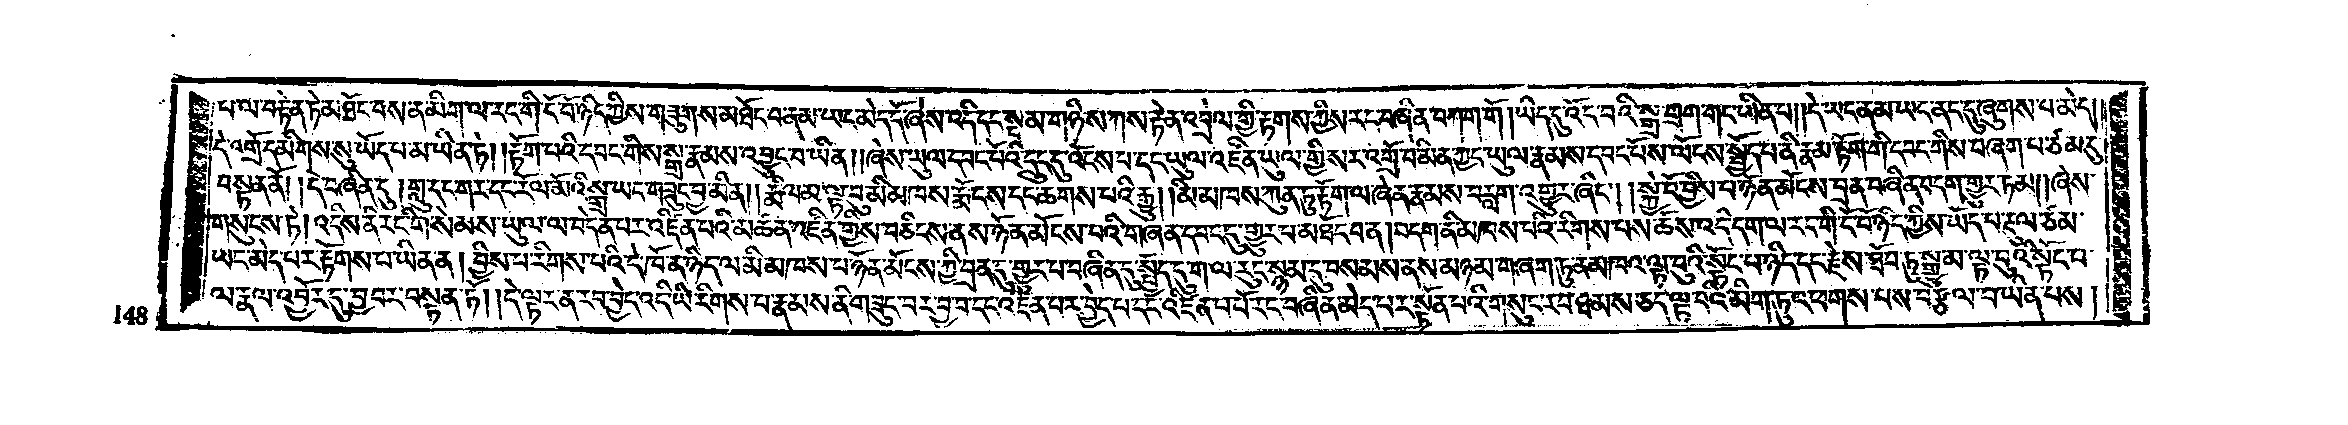པ་ལ་བརྟེན་ཏེ་མཐོང་བས་ན་མིག་ལ་རང་གི་ངོ་བོ་ཉིད་ཀྱིས་གཟུགས་མཐོང་བ་ནམ་ཡང་མེད་དོ་ཞེས་འདི་དང་སྔ་མ་གཉིས་ཀས་རྟེན་འབྲེལ་གྱི་རྟགས་ཀྱིས་རང་བཞིན་བཀག་གོ། ཡིད་དུའོང་བའི་སྒྲ་གྲག་གང་ཡིན་པ། །དེ་ཡང་ནམ་ཡང་ནང་དུ་ཞུགས་པ་མེད། །
དེ་འགྲོ་དམིགས་སུ་ཡོད་པ་མ་ཡིན་ཏེ། །རྟོག་པའི་དབང་གིས་སྒྲ་རྣམས་འབྱུང་བ་ཡིན། །ཞེས་ཡུལ་དབང་པོའི་དྲུང་དུ་འོངས་པ་དང་ཡུལ་འཛིན་ཡུལ་གྱི་སར་འགྲོ་བ་མིན་ཀྱང་ཡུལ་རྣམས་དབང་པོས་ལོངས་སྤྱོད་པ་ནི་རྣམ་རྟོག་གི་དབང་གིས་བཞག་པ་ཙམ་དུ་
བསྟན་ནོ། །དེ་བཞིན་དུ། གླུ་དང་གར་དང་རོལ་མོའི་སྒྲ་ཡང་གཟུང་བྱ་མིན། །རྨི་ལམ་ལྟ་བུ་མི་མཁས་རྨོངས་དང་ཆགས་པའི་རྒྱུ། །མི་མཁས་ཀུན་ཏུ་རྟོག་ལ་ཞེན་རྣམས་བརླག་འགྱུར་ཞིང་། །སྐྱེ་བོ་བྱིས་པ་ཉོན་མོངས་བྲན་བཞིན་བདག་གྱུར་ཏམ། །ཞེས་
གསུངས་ཏེ། འདིས་ནི་རང་གི་སེམས་ཡུལ་ལ་བདེན་པར་འཛིན་པའི་མཚན་འཛིན་གྱིས་བཅིངས་ནས་ཉོན་མོངས་པའི་གཞན་དབང་དུ་གྱུར་པ་མཐོང་བ་ན། བདག་ནི་མཁས་པའི་རིགས་པས་ཆོས་འདི་དག་ལ་རང་གི་ངོ་བོ་ཉིད་ཀྱིས་ཡོད་པ་རྡུལ་ཙམ་
ཡང་མེད་པར་རྟོགས་པ་ཡིན་ན། བྱིས་པ་རིགས་པའི་དེ་ཁོ་ན་ཉིད་ལ་མི་མཁས་པ་ཉོན་མོངས་ཀྱི་བྲན་དུ་གྱུར་པ་བཞིན་དུ་སྤྱོད་དུ་ག་ལ་རུང་སྙམ་དུ་བསམས་ནས་མཉམ་གཞག་ཏུ་ནམཁའ་ལྟ་བུའི་སྟོང་ན་ཉིད་དང་རྗེས་ཐོབ་ཏུ་སྒྱུ་མ་ལྟ་བུའི་སྟོང་པ་
ལ་རྣལ་འབྱོར་དུ་བྱ་བར་བསྟན་ཏོ། །དེ་ལྟར་ན་རབ་བྱེད་འདི་ཡི་རིགས་པ་རྣམས་ནི་གཟུང་བར་བྱ་བ་དང་འཛིན་པར་བྱེད་པ་དང་འཛིན་པ་པོ་རང་བཞིན་མེད་པར་སྟོན་པའི་གསུང་རབ་ཐམས་ཅད་ལྟ་བའི་མིག་ཏུ་འཕགས་པས་བརྩོལ་བ་ཡིན་པས།